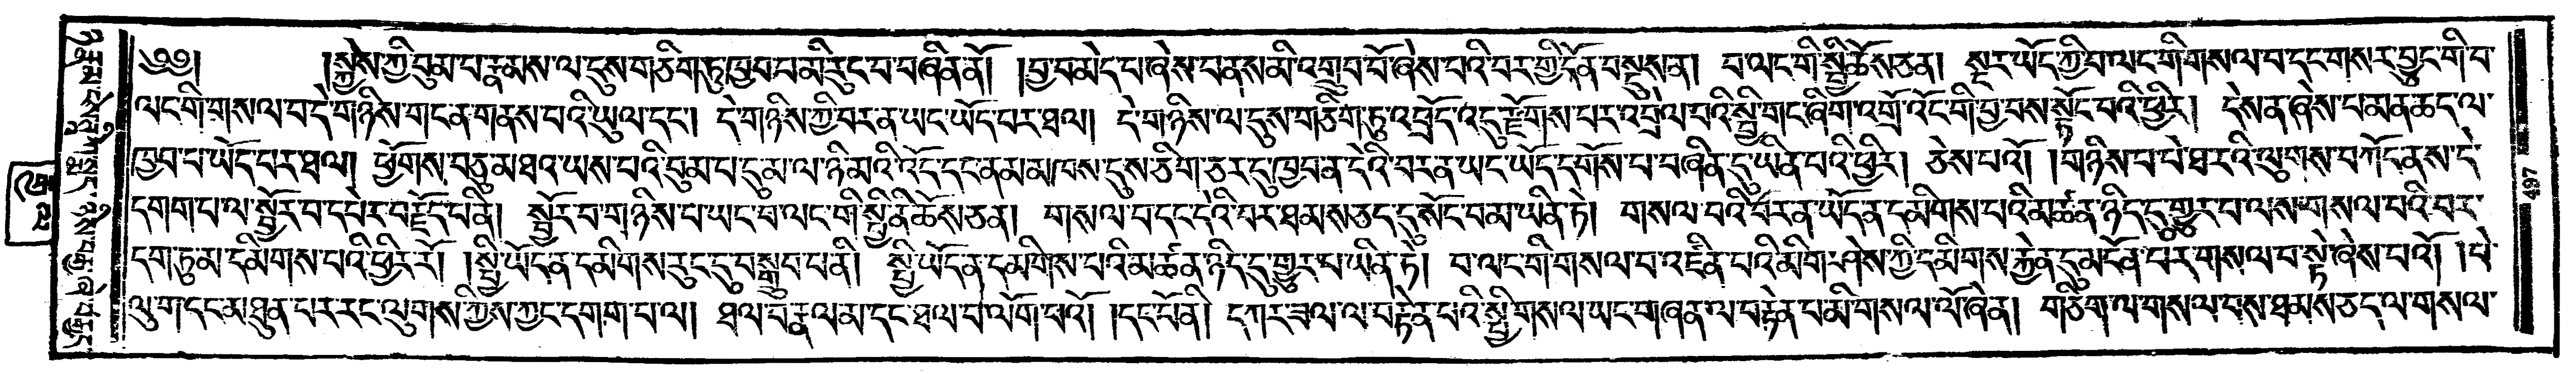༄༅། །སྐྱེས་ཀྱི་བུམ་པ་རྣམས་ལ་དུས་གཅིག་ཏུ་ཁྱབ་པ་མི་རུང་བ་བཞིན་ནོ། །བྱ་བ་མེད་པ་ཞེས་པ་ནས་མི་འགྲུབ་པོ་ཞེས་པའི་བར་གྱི་དོན་བསྡུས་ན། བ་ལང་གི་སྤྱི་ཆོས་ཅན། སྔར་ཡོད་ཀྱི་བ་ལང་གི་གསལ་བ་དང་གསར་བྱུང་གི་བ་
ལང་གི་གསལ་བ་དེ་གཉིས་གང་ན་གནས་པའི་ཡུལ་དང་། དེ་གཉིས་ཀྱི་བར་ན་ཡང་ཡོད་པར་ཐལ། དེ་གཉིས་ལ་དུས་གཅིག་ཏུ་འཕྲོད་འདུ་རྫོགས་པར་འབྲེལ་བའི་སྤྱི་གང་ཞིག་འགྲོ་འོང་གི་བྱ་བས་སྟོང་བའི་ཕྱིར། དེས་ན་ཞེས་པ་མན་ཆད་ལ་
ཁྱབ་པ་ཡོད་པར་ཐལ། ཕྱོགས་བཅུ་མཐའ་ཡས་བའི་བུམ་པ་དུ་མ་ལ་ཉི་མའི་འོད་དང་ནམ་མཁས་དུས་ཅིག་ཅར་དུ་ཁྱབ་ན་དེའི་བར་ན་ཡང་ཡོད་དགོས་པ་བཞིན་དུ་ཡིན་པའི་ཕྱིར། ཅེས་པའོ། །གཉིས་པ་པེ་ཐ་རའི་ལུགས་བཀད་ནས་དེ་
དགག་པ་ལ་སྦྱོར་བ་དཔེར་བརྗོད་པ་ནི། སྦྱོར་བ་གཉིས་པ་ཡང་བ་ལང་གི་སྤྱི་ནི་ཆོས་ཅན། གསལ་བ་དང་དེའི་བར་ཐམས་ཅད་དུ་སོང་བ་མ་ཡིན་ཏེ། གསལ་བའི་བར་ན་ཡོད་ན་དམིགས་པའི་མཚན་ཉིད་དུ་གྱུར་པ་ལས་གསལ་བའི་བར་
དག་ཏུ་མ་དམིགས་པའི་ཕྱིར་རོ། །སྤྱི་ཡོད་ན་དམིགས་རུང་དུ་བསྒྲུབ་པ་ནི། སྤྱི་ཡོད་ན་དམིགས་པའི་མཚན་ཉིད་དུ་གྱུར་པ་ཡིན་ཏེ། བ་ལང་གི་གསལ་བ་འཛིན་པའི་མིག་ཤེས་ཀྱི་དམིགས་རྐྱེན་དུ་མངོན་པར་གསལ་བ་སྟེ་ཞེས་པའོ། །པེ་
ལུ་ག་དང་མཐུན་པར་རང་ལུགས་ཀྱིས་ཀྱང་དགག་པ་ལ། ཐལ་བ་རྣལ་མ་དང་ཐལ་བ་ལོག་པའོ། །དང་པོ་ནི། དཀར་ཟལ་ལ་བརྟེན་པའི་སྤྱི་གསལ་ཡང་གཞན་ལ་བརྟེན་པ་མི་གསལ་ལ་ལོ་ཞེ་ན། གཅིག་ལ་གསལ་བས་ཐམས་ཅད་ལ་གསལ་